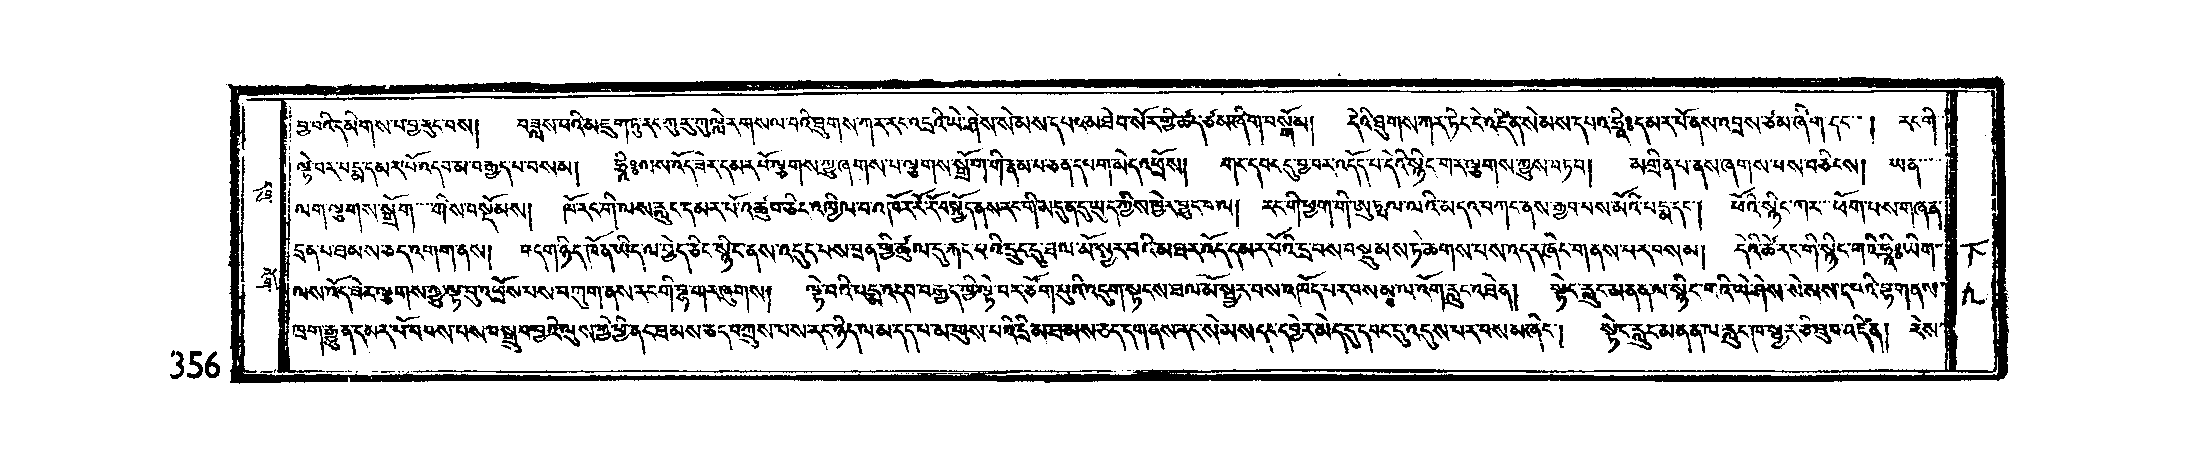བྱ་བའི་དམིགས་པ་བྱ་རུང་བས། བཟླས་པའི་མཇུག་ཏུ་རང་ཀུ་རུ་ཀུ་ལླེར་གསལ་བའི་ཐུགས་ཀར་རང་འདྲའི་ཡེ་ཤེས་སེམས་དཔའ་མཐེབ་སོར་གྱི་ཚད་ཙམ་ཞིག་བསྒོམ། དེའི་ཐུགས་ཀར་ཏིང་ངེ་འཛིན་སེམས་དཔའ་ཧྲཱིཿ དམར་པོ་ནས་འབྲས་ཙམ་ཞིག་དང་། རང་གི་
ལྟེ་བར་པདམ་དམར་པོ་འདབ་མ་བརྒྱད་པ་བསམ། ཧྲཱིཿ ལས་འོད་ཟེར་དམར་པོ་ལྕགས་ཀྱུ་ཞགས་པ་ལྕགས་སྒྲོག་གི་རྣམ་པ་ཅན་དཔག་མེད་འཕྲོས། གང་དབང་དུ་བྱ་བར་འདོད་པ་དེའི་སྙིང་གར་ལྕགས་ཀྱུས་བཏབ། མགྲིན་པ་ནས་ཞགས་པས་བཅིངས། ཡན་
ལག་ལྕགས་སྒྲོག་གིས་བསྡོམས། ཁོ་རང་གི་ལས་རླུང་དམར་པོ་འཚུབ་ཅིང་འཁྱིལ་བ་འཁོར་རོ་རོ་བསྐྱོད་ནས་རང་གི་མདུན་དུ་ཡུད་ཀྱིས་ཁྱེར་བྱུང་བ་ལ། རང་གི་ཕྱག་གི་ཨུཏྤལ་ལའི་མདའ་བཀང་ནས་རྒྱབ་པས་མོའི་པདམ་དང་། ཕོའི་སྙིང་ཀར་ཕོག་པས་གཞན་
དྲན་པ་ཐམས་ཅད་འགག་ནས། བདག་ཉིད་ཁོ་ན་ཡིད་ལ་བྱེད་ཅིང་སྙིང་ནས་འདུད་པས་བྲན་གྱི་ཚུལ་དུ་རྐང་པའི་དྲུང་དུ་ཐལ་མོ་སྦྱར་བའི་མཐར་འོད་དམར་པོའི་དྲ་བས་བསྡུམས་ཏེ་ཆགས་པས་འདར་ཞིང་གནས་པར་བསམ། དེའི་ཚེ་རང་གི་སྙིང་གའི་ཧྲཱིཿ ཡིག་
ལས་འོད་ཟེར་ལྕགས་ཀྱུ་ལྟ་བུ་འཕྲོས་པས་བཀུག་ནས་རང་གི་བྷ་གར་ཞུགས། ལྟེ་བའི་པདམ་འདབ་བརྒྱད་ཀྱི་ལྟེ་བར་ཙོག་པུའི་འདུག་སྟངས་ཐལ་མོ་སྦྱར་བས་འཁོད་པར་བསམས་ལ་འོག་རླུང་འཐེན། སྟེང་རླུང་མནན་ལ་སྙིང་གའི་ཡེ་ཤེས་སེམས་དཔའི་བྷ་གནས་
ཁྲག་རྒྱུན་དམར་པོ་བབས་པས་བསྒྲུབ་བྱའི་ལུས་ཀྱི་ཕྱི་ནང་ཐམས་ཅད་བཀྲུས་པས་རང་ཉིད་ལ་མ་དད་པ་མ་གུས་པའི་དྲི་མ་ཐམས་ཅད་དག་ནས་རང་སེམས་དང་དབྱེར་མེད་དུ་དབང་དུ་འདུས་པར་བསམ་ཞིང་། སྟེང་རླུང་མནན་ལ་རླུང་ཁ་སྦྱར་ཅི་ཐུབ་འཛིན། རེས་